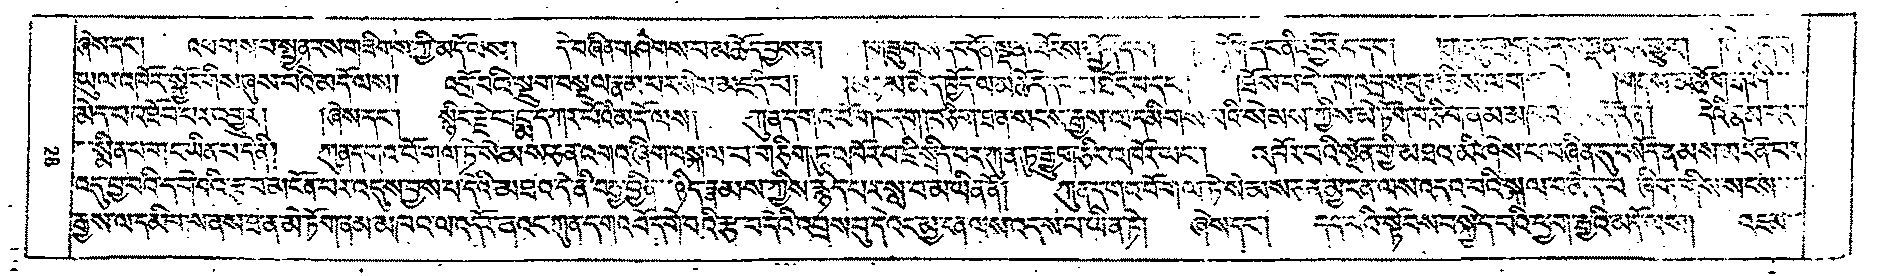ཞེས་དང་། འཕགས་པ་སྤྱན་རས་གཟིགས་ཀྱི་མདོ་ལས། དེ་བཞིན་གཤེགས་པ་མཆོད་བྱས་ན། །གཟུགས་དང་དོན་ལྡན་ལོངས་སྤྱོད་དང་། །ཁ་དོག་དང་ནི་འབྱོར་བ་དང་། །ཀུན་ཏུ་གྲགས་དང་ལྡན་པར་གྱུར། །ཞེས་དང་།
ཡུལ་འཁོར་སྐྱོང་གིས་ཞུས་པའི་མདོ་ལས། འགྲོ་བའི་སྡུག་བསྔལ་རྣམ་པར་སེལ་མཛད་པ། །མཉམ་མེད་ཁྱོད་ལ་མཆོད་དང་མཐོང་བ་དང་། །ཐོས་པ་དེ་དག་འབྲས་བུ་མཆིས་ལགས་ཏེ། །གནས་མཆོག་རྒ་ཤི་
མེད་པ་འཐོབ་པར་འགྱུར། །ཞེས་དང་། སྙིང་རྗེ་པདམ་དཀར་པོའི་མདོ་ལས། ཀུན་དགའ་བོ་གང་དག་ཁ་ཅིག་ཐ་ན་སངས་རྒྱས་ལ་དམིགས་པའི་སེམས་ཀྱིས་མེ་ཏོག་གཅིག་ནམ་མཁའ་ལ་འདོར་ན། དེའི་རྣམ་པར་
སྨིན་པ་གང་ཡིན་པ་དེ་ནི། ཀུན་དགའ་བོ་གལ་ཏེ་སེམས་ཅན་འགའ་ཞིག་བསྐལ་པ་གཅིག་ཏུ་འཁོར་བ་ཇི་སྲིད་པར་ཀུན་ཏུ་རྒྱུག་ཅིང་འཁོར་ཡང་། འཁོར་བའི་སྔོན་གྱི་མཐའ་མི་ཤེས་པ་བཞིན་དུ་བསོད་ནམས་མངོན་པར་
འདུ་བྱ་བའི་དགེ་བའི་རྩ་བ་མངོན་པར་འདུས་བྱས་པ་དེའི་མཐའ་དེ་ནི་བརྒྱ་བྱིན་ཉིད་རྣམས་ཀྱིས་རྙེད་པར་སླ་བ་མ་ཡིན་ནོ། ཀུན་དགའ་བོ་གལ་ཏེ་སེམས་ཅན་མྱ་ངན་ལས་འདའ་བའི་སྐལ་བ་མེད་པ་ཞིག་གིས་སངས་
རྒྱས་ལ་དམིགས་ནས་ཐ་ན་མེ་ཏོག་ནམ་མཁའ་ལ་འདོར་ནའང་ཀུན་དགའ་བོ་དགེ་བའི་རྩ་བ་དེའི་འབྲས་བུ་དེའང་མྱ་ངན་ལས་འདས་པ་ཡིན་ཏེ། ཞེས་དང་། དད་པའི་སྟོབས་བསྐྱེད་པའི་ཕྱག་རྒྱའི་མདོ་ལས། འཇམ་